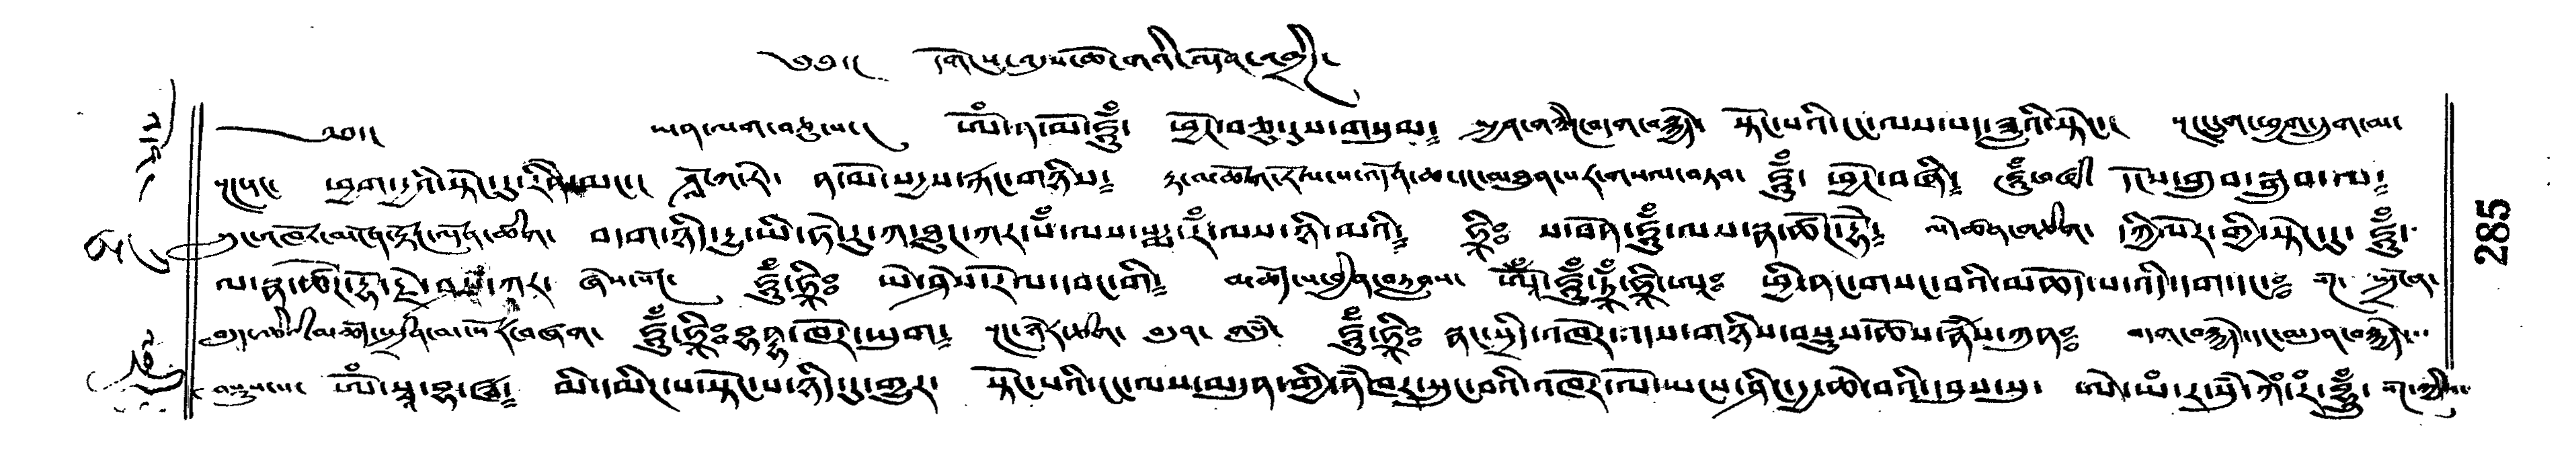༄༅། དགོངས་འདུས་ཆོ་གའི་འདོན་འགྲིགས། ཡན་ལག་བཅུ་པ། ཨོཾ་ན་མོ་ཧཱུྃ། ཕྱོགས་བཅུ་དུས་གསུམ༴ སྤྱན་གཟིགས་བདག་བསྐྱེད། སྟོང་པའི་ངང་ལས་པད་ཟླའི་སྟེང་། སྔགས་དྲུག་ཕྱག་དྲུག་མ་
སྔགས་དང་། ཕྱག་རྒྱའི་སྟེང་དུ་རིན་ཆེན་མང་། ཤླཽ་ཀ་རེ། ན་མོ། སངས་རྒྱས་རྐང་གཉིས༴ རྟ་མཆོག་རོལ་པ་འདོན་ཆ་དང་མཐུན་པར་གསལ་འདབ། ཧཱུྃ༔ ཕྱོགས་བཞི༴ ཧཱུྃ་བཞི། དངོས་གྲུབ་སྒྲུབ་ལ༴ 
སྲུང་འཁོར་མངོན་རྟོགས་འདོན་ཚིག བདག་ཉིད་རྒྱུ་ཡི་ཧེ་རུ་ཀ་ཐུགས་ཀར་པྃ་ལས་པདྨ་རྃ་ལས་ཉི་མའི༴ ཧྲཱི༔ ས་བོན་ཧཱུྃ་ལས་སྣ་ཚོགས་རྡོ་རྗེ༴ ལེ་ཚན་གཅིག དཀྱིལ་འཁོར་གྱི་སྟེང་དུ། ཧཱུྃ་
ལ་སྣ་ཚོགས་རྡོ་རྗེ་ཤར་དཀར༴ ཞེས་སོགས། ཧཱུྃ་ཧྲཱི༔ ཡེ་ཤེས་རོལ་པ་དབང་གི༴ མཆོད་པ་བྱིན་རླབས། ཨོཾ་ཧཱུྃ་ཏྲཱཾ་ཧྲཱི་ཨཱཿ ཕྱི་ནང་གསང་བའི་མཆོད་པ་འདི་དག་དང༔ སོགས། སྤྲོ་ན། 
བདུད་རྩིའི་མཆོད་སྤྲིན་མ་སོར་བཞག ཧཱུྃ་ཧྲཱི༔ བྷནྡྷ་ཁོར་ཡུག༴ སྔགས་ཉེར་ཅིག བདུན། གསུམ། ཧཱུྃ་ཧྲཱི༔ སྣང་སྲིད་འཁོར་འདས་གཉིས་བསྡུས་ཆོས་རྣམས་ཀུན༔ བདག་བསྐྱེད་དང་མདུན་བསྐྱེད་
བསྡུས་པ། ཨོཾ་སྭ་བྷ་ཝ༴ མི་དམིགས་པ་སྟོང་པ་ཉིད་དུ་གྱུར་སྟོང་པའི་ངང་ལས་མདུན་གྱི་ནམ་མཁར་སྲུང་བའི་འཁོར་ལོ་ཡངས་ཤིང་རྒྱ་ཆེ་བའི་དབུས་སུ། ཨེ་ཡཾ་ར་སུམ་ཀེཾ་རཾ་བྷྲུཾ༔ སོགས་ཀྱིས།